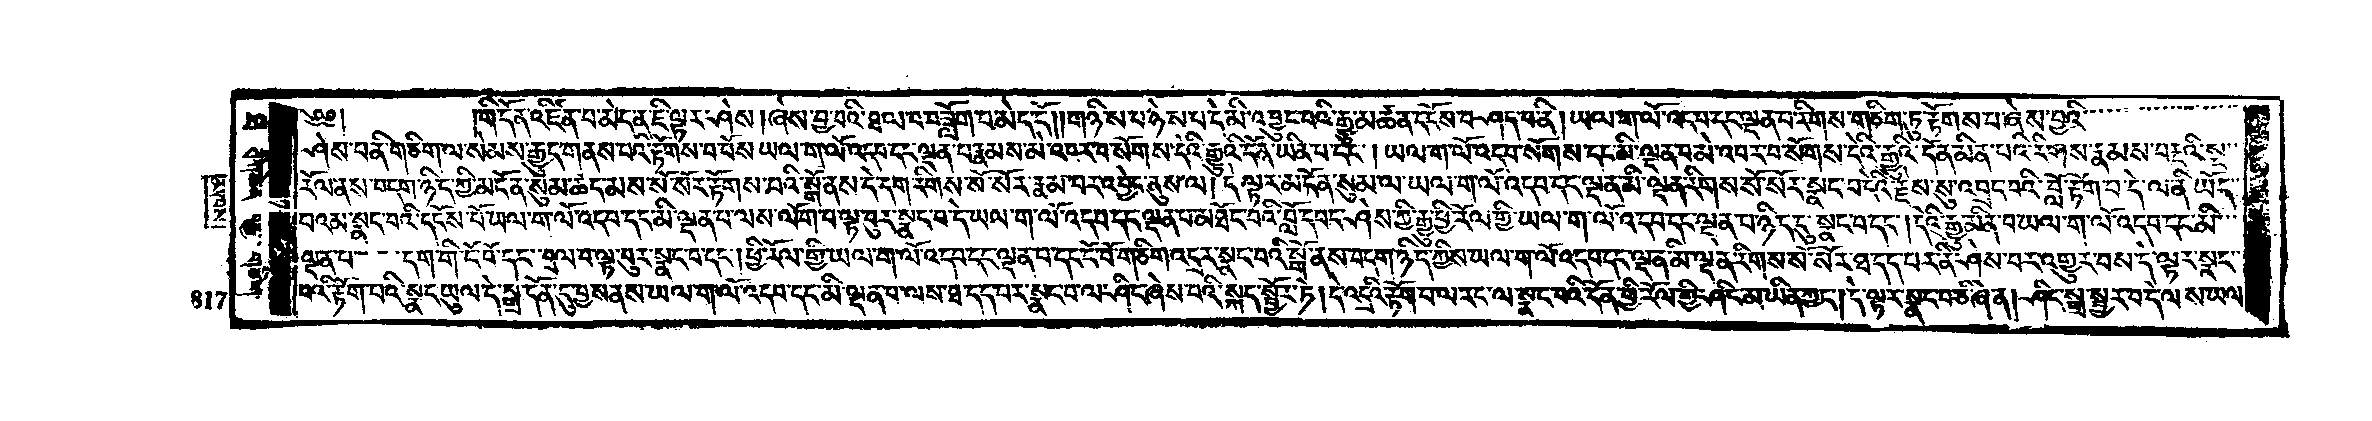༄༅། །གི་དོན་འཛིན་པ་མེད་ན་ཇི་ལྟར་ཤེས། ཞེས་བྱ་བའི་ཐལ་བ་བཟློག་པ་མེད་དོ། །གཉིས་པ་ཉེས་པ་དེ་མི་འབྱུང་བའི་རྒྱུ་མཚན་དངོས་བཤད་པ་ནི། ཡལ་ག་ལོ་འདབ་དང་ལྡན་པ་རིགས་གཅིག་ཏུ་རྟོགས་པ་ཞེས་བྱའི་
ཤེས་པ་ནི་གཅིག་ལ་སེམས་རྒྱུད་གནས་པའི་རྟོགས་བ་པོས་ཡལ་ག་ལོ་འདབ་དང་ལྡན་པ་རྣམས་མེ་འབར་བ་སོགས་དེའི་རྒྱུའི་དོན་ཡིན་པ་དང་། ཡལ་ག་ལོ་འདབ་སོགས་དང་མི་ལྡན་བ་མེ་འབར་བ་སོགས་དེའི་རྒྱུའི་དོན་མིན་པའི་རིགས་རྣམས་བརྡའི་སྔ་
རོལ་ནས་བདག་ཉིད་ཀྱི་མངོན་སུམ་ཚད་མས་སོ་སོར་རྟོགས་པའི་སྒོ་ནས་དེ་དག་རིགས་སོ་སོར་རྣམ་བར་འབྱེད་ནུས་ལ། དེ་ལྟར་མངོན་སུམ་ལ་ཡལ་ག་ལོ་འདབ་དང་ལྡན་མི་ལྡན་རིགས་སོ་སོར་སྣང་བ་དེའི་རྗེས་སུ་འབྲང་བའི་བློ་རྟོག་པ་དེ་ལ་ནི་ཡོད་
པའམ་སྣང་བའི་དངོས་པོ་ཡལ་ག་ལོ་འདབ་དང་མི་ལྡན་པ་ལས་ལོག་པ་ལྟ་བུར་སྣང་བ་དེ་ཡལ་ག་ལོ་འདབ་དང་ལྡན་པ་མཐོང་བའི་བློ་དབང་ཤེས་ཀྱི་རྒྱུ་ཕྱི་རོལ་གྱི་ཡལ་ག་ལོ་འདབ་དང་ལྡན་པ་ཉིད་དུ་སྣང་བ་དང་། དེའི་རྒྱུ་མིན་བ་ཡལ་ག་ལོ་འདབ་དང་མི་
ལྡན་པ་དག་གི་ངོ་བོ་དང་བྲལ་བ་ལྟ་བུར་སྣང་བ་དང་། ཕྱི་རོལ་གྱི་ཡལ་ག་ལོ་འདབ་དང་ལྡན་པ་དང་ངོ་བོ་གཅིག་འདྲར་སྣང་བའི་སྒོ་ནས་བདག་ཉིད་ཀྱིས་ཡལ་ག་ལོ་འདབ་དང་ལྡན་མི་ལྡན་རིགས་སོ་སོར་ཐ་དད་པར་ནི་ཤེས་པར་འགྱུར་བས་དེ་ལྟར་སྣང་
བའི་རྟོག་པའི་སྣང་ཡུལ་དེ་སྒྲ་དོན་དུ་བྱས་ནས་ཡལ་ག་ལོ་འདབ་དང་མི་ལྡན་པ་ལས་ཐ་དད་པར་སྣང་བ་ལ་ཤིང་ཞེས་པའི་སྐད་སྦྱོར་ཏེ། དེ་འདྲའི་རྟོག་པ་ལ་རང་ལ་སྣང་བའི་དོན་གྱི་རོལ་གྱི་ཤིང་མ་ཡིན་ཀྱང་། དེ་ལྟར་སྣང་བ་ཅི་ཞེ་ན། ཤིང་སྒྲ་སྦྱར་བ་དེ་ལས་ཡལ་